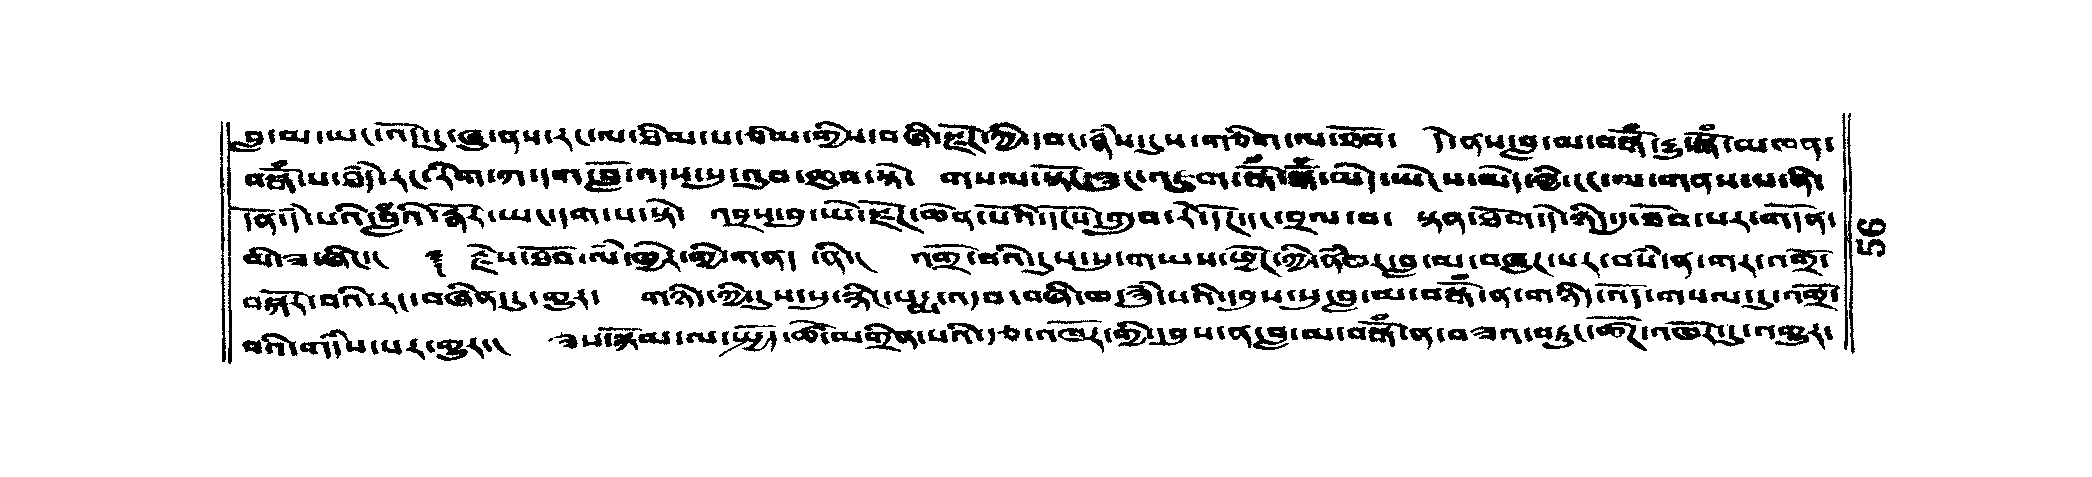བླ་མ་ཡང་འོད་དུ་ཞུ་ནས་རང་ལ་ཐིམ་པ་ཙམ་གྱིས་བཞི་རྫོགས་ཀྱི་དབང་རྣམས་དུས་གཅིག་ལ་ཐོབ། དེ་ནས་བླ་མ་བསྒོམ་རྒྱུ་སྒོམ་མཁན་
བསྒོམ་པ་ཐམས་ཅད་རང་རིག་ཀ་དག་བློ་འདས་སུ་འུབ་ཆུབ་སྟེ། གསལ་སྟོང་ཟུང་འཇུག་སྒོམ་སྒོམ་མེད་ཡེངས་མེད་གྱི་ངང་ལ་གནས་པ་ནི་
དོན་དམ་པའི་བླ་མའི་རྣལ་འབྱོར་ཡང་དག་པ་སྟེ།འབྲས་བུ་ཡེ་རྫོགས་ཆེན་པོའི་དངོས་གྲུབ་རེ་དོགས་དང་བྲལ་བ། སྟན་ཐོག་དེ་གཉིད་དུ་ཐོབ་པར་གདོན་
མི་ཟ་ཞིང་། ༈ རྗེས་ཐོབ་ལམ་ཁྱེར་གྱི་གནད་ནི། འགྲོ་བའི་དུས་སུ་གཡས་ཕྱོགས་ཀྱི་ནམ་མཁར་བླ་མ་བཞུགས་པར་བསམ་ན་གར་འགྲོ་
བསྐོར་བའི་རང་བཞིན་དུ་གྱུར། གཉིད་ཀྱི་དུས་སུ་སྙིང་པདྨ་འདབ་བཞི་ཁ་ཟུམ་པའི་དབུས་སུ་བླ་མ་བསྒོམ་ན་ཉིད་འོད་གསལ་དུ་འགྲོ་
བའི་གདམས་པར་གྱུར། ཟས་སྐོམ་ལ་སྤྱོད་ཚེ་མགྲིན་པའི་རྩ་འཁོར་གྱི་དབུས་ན་བླ་མ་བསྒོམ་ན་བཟའ་བཏུང་ཚོགས་འཁོར་དུ་འགྱུར།